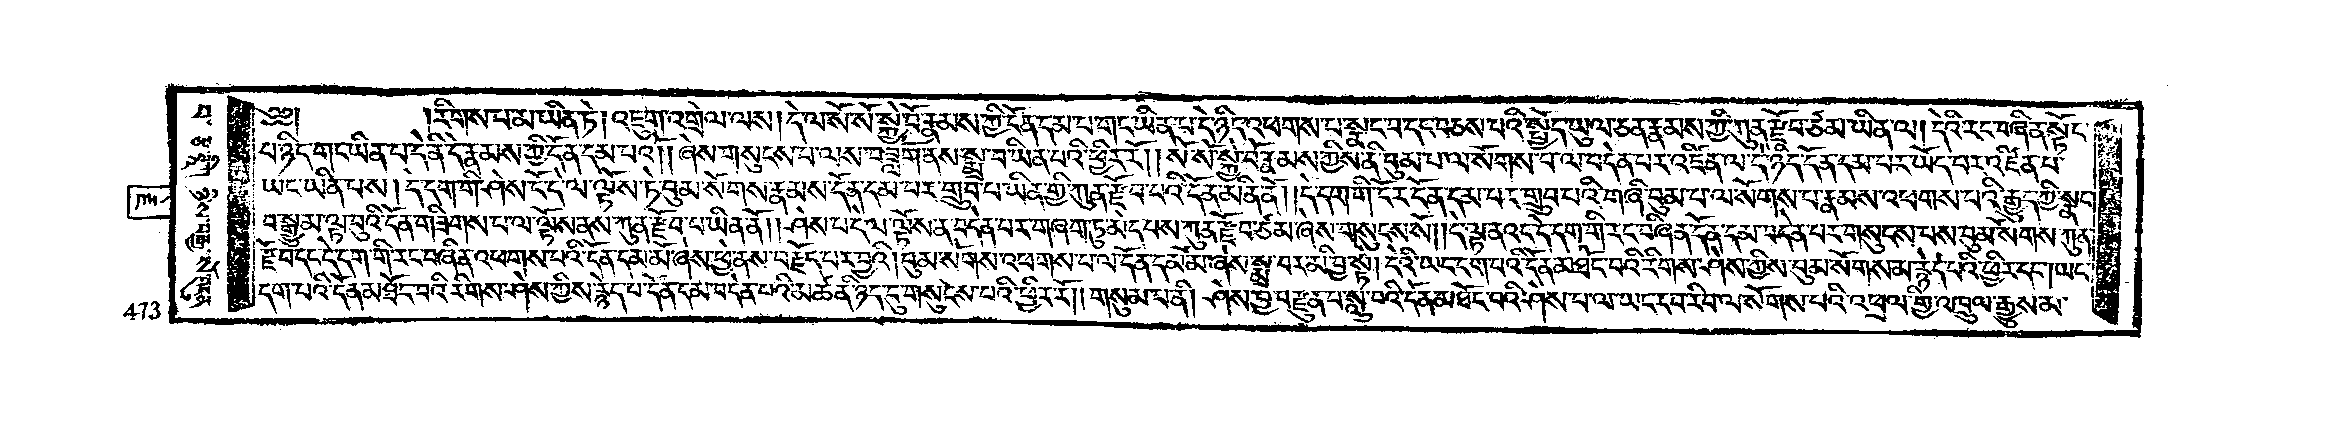༄༅། །རིགས་པ་མ་ཡིན་ཏེ། འཇུག་འགྲེལ་ལས། དེ་ལ་སོ་སོ་སྐྱེ་བོ་རྣམས་ཀྱི་དོན་དམ་པ་གང་ཡིན་པ་དེ་ཉིད་འཕགས་པ་སྣང་བ་དང་བཅས་པའི་སྤྱོད་ཡུལ་ཅན་རྣམས་ཀྱི་ཀུན་རྫོབ་ཙམ་ཡིན་ལ། དེའི་རང་བཞིན་སྟོང་
པ་ཉིད་གང་ཡིན་པ་དེ་ནི་དེ་རྣམས་ཀྱི་དོན་དམ་པའོ། །ཞེས་གསུངས་པ་ལས་བཟློག་ནས་སྨྲ་བ་ཡིན་པའི་ཕྱིར་རོ། །སོ་སོ་སྐྱེ་བོ་རྣམས་ཀྱིས་ནི་བུམ་པ་ལ་སོགས་པ་ལ་བདེན་པར་འཛིན་ལ་དེ་ཉིད་དོན་དམ་པར་ཡོད་པར་འཛིན་པ་
ཡང་ཡིན་པས། དེ་དག་གི་ཤེས་ངོ་དེ་ལ་ལྟོས་ཏེ་བུམ་སོགས་རྣམས་དོན་དམ་པར་གྲུབ་པ་ཡིན་གྱི་ཀུན་རྫོབ་པའི་དོན་མིན་ནོ། །དེ་དག་གི་ངོར་དོན་དམ་པར་གྲུབ་པའི་གཞི་བུམ་པ་ལ་སོགས་པ་རྣམས་འཕགས་པའི་རྒྱུད་ཀྱི་སྣང་
བ་སྒྱུ་མ་ལྟ་བུའི་དོན་གཟིགས་པ་ལ་ལྟོས་ནས་ཀུན་རྫོབ་པ་ཡིན་ནོ། །ཤེས་པ་དེ་ལ་ལྟོས་ན་བདེན་པར་གཞག་ཏུ་མེད་པས་ཀུན་རྫོབ་ཙམ་ཞེས་གསུངས་སོ། །དེ་ལྟ་ནའང་དེ་དག་གི་རང་བཞིན་དོན་དམ་བདེན་པར་གསུངས་པས་བུམ་སོགས་ཀུན་
རྫོབ་དང་དེ་དག་གི་རང་བཞིན་འཕགས་པའི་དོན་དམ་མོ་ཞེས་ཕྱེ་ནས་བརྗོད་པར་བྱའི། བུམ་སོགས་འཕགས་པ་ལ་དོན་དམ་མོ་ཞེས་སྨྲ་བར་མི་བྱ་སྟེ། དེའི་ཡང་དག་པའི་དོན་མཐོང་བའི་རིགས་ཤེས་ཀྱིས་བུམ་སོགས་མ་རྙེད་པའི་ཕྱིར་དང་། ཡང་
དག་པའི་དོན་མཐོང་བའི་རིགས་ཤེས་ཀྱིས་རྙེད་པ་དོན་དམ་བདེན་པའི་མཚན་ཉིད་དུ་གསུངས་པའི་ཕྱིར་རོ། །གསུམ་པ་ནི། ཤེས་བྱ་བརྫུན་པ་སླུ་བའི་དོན་མཐོང་བའི་ཤེས་པ་ལ་ཡང་རབ་རིབ་ལ་སོགས་པའི་འཕྲལ་གྱི་འཁྲུལ་རྒྱུས་མ་